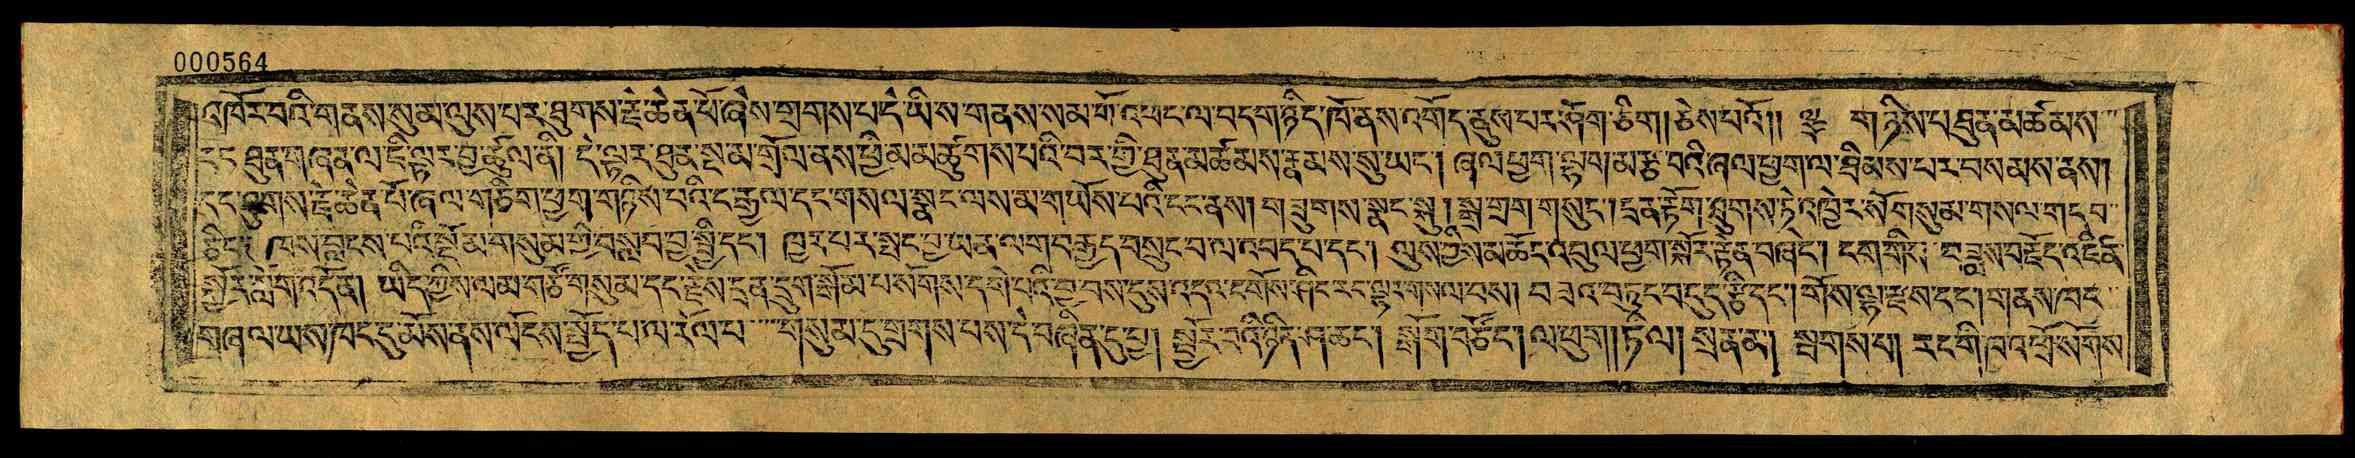འཁོར་བའི་གནས་སུ་མ་ལུས་པར་ཐུགས་རྗེ་ཆེན་པོ་ཞེས་གྲགས་པ་དེ་ཡིས་གནས་སམ་གོ་འཕང་ལ་བདག་ཉིད་ཁོ་ནས་འགོད་ནུས་པར་ཤོག་ཅིག །ཅེས་པའོ།། ༈ གཉིས་པ་ཐུན་མཚམས་
དང་ཐུན་གཞན་ལ་ཇི་ལྟར་བྱ་ཚུལ་ནི། དེ་ལྟར་ཐུན་སྔ་མ་གྲོལ་ནས་ཕྱི་མ་མ་ཚུགས་པའི་བར་གྱི་ཐུན་མཚམས་རྣམས་སུ་ཡང་། ཞལ་ཕྱག་ལྷག་མ་རྩ་བའི་ཞལ་ཕྱག་ལ་ཐིམས་པར་བསམས་ནས།
རང་ཐུགས་རྗེ་ཆེན་པོ་ཞལ་གཅིག་ཕྱག་གཉིས་པའི་ང་རྒྱལ་དང་གསལ་སྣང་ལས་མ་གཡོས་པའི་ངང་ནས། གཟུགས་སྣང་སྐུ། སྒྲ་གྲག་གསུང་། དྲན་རྟོག་ཐུགས་ཏེ་འཁྱེར་སོ་གསུམ་གསལ་གདབ་
ཅིང༑ ཁས་བླངས་པའི་སྡོམ་གསུམ་གྱི་བསླབ་བྱ་སྤྱི་དང་། ཁྱད་པར་སྤང་བྱ་ཡན་ལག་བརྒྱད་བསྲུང་བ་ལ་འབད་པ་དང་། ལུས་ཀྱིས་མཆོད་འབུལ་ཕྱག་སྐོར་རྟེན་བཞེང་།?  དག་གིས་བཟླས་བརྗོད་འཛིན་
སྐྱོང་ཀློག་འདོན། ཡིད་ཀྱིས་ལམ་གཙོ་གསུམ་དང་རྗེས་དྲན་དྲུག་སྒོམ་པ་སོགས་དགེ་བའི་བྱ་བས་དུས་འདའ་དགོས་ཤིང་། རང་ལྷར་གསལ་བས། བཟའ་བཏུང་བདུད་རྩི་དང་། གོས་ལྷ་རྫས་དང་། གནས་ཁང་
གཞལ་ཡས་ཁང་དུ་མོས་ནས་ལོངས་སྤྱོད་པ་ལ་རོལ་པ་གསུམ་དུ་གྲགས་པས་དེ་བཞིན་དུ་བྱ། སྦྱོར་བའི་ཉིན་ཤ་ཆང་། སྒོག་བཙོད། ལ་ཕུག །ཏིལ། སྲན་མ། སྤགས་པ། རང་གི་ཁ་འཕྲོ་སོགས།